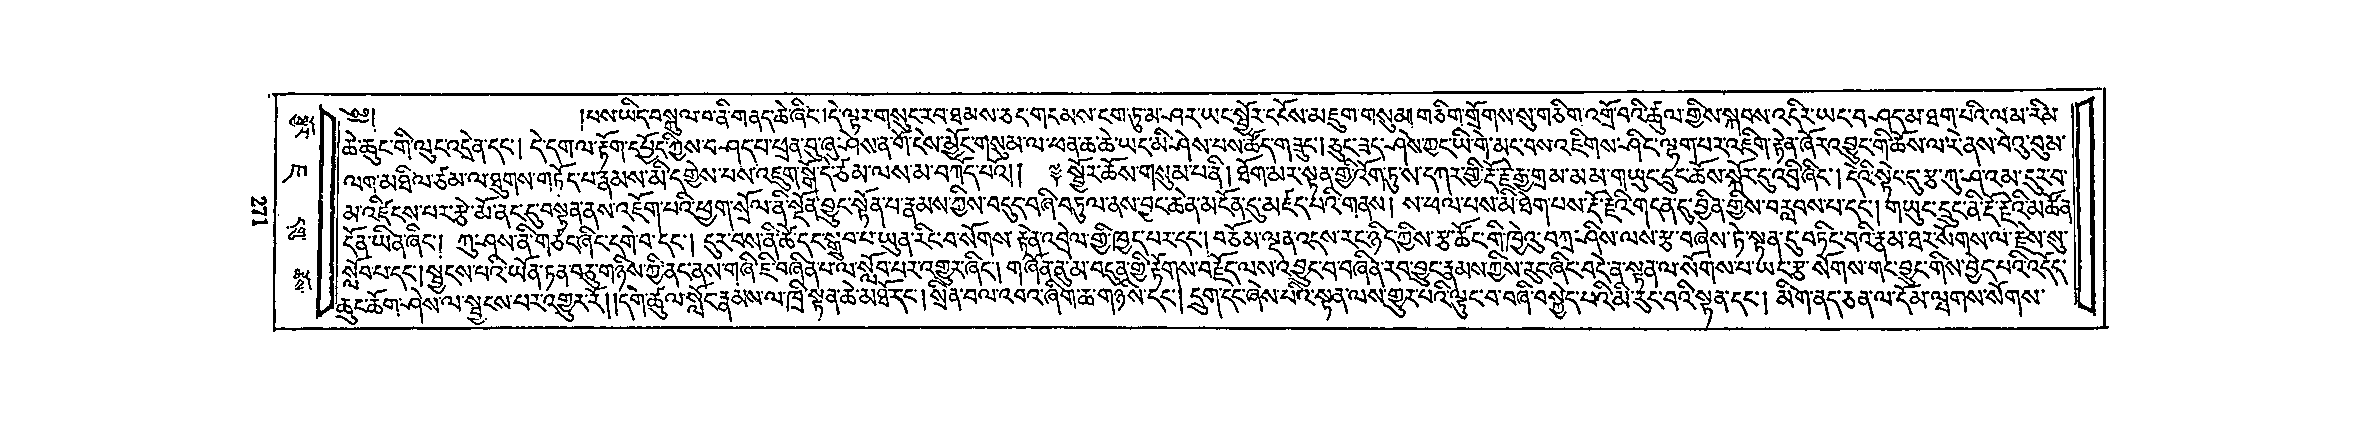༄༅། །པས་ཡིད་བསྐུལ་བ་ནི་གནད་ཆེ་ཞིང་། དེ་ལྟར་གསུང་རབ་ཐམས་ཅད་གདམས་ངག་ཏུ་མ་ཤར་ཡང་སྦྱོར་དངོས་མཇུག་གསུམ། གཅིག་གྲོགས་སུ་གཅིག་འགྲོ་བའི་ཚུལ་གྱིས་སྐབས་འདིར་ཡང་བཤད་མ་ཐག་པའི་ལམ་རིམ་
ཆེ་ཆུང་གི་ལུང་འདྲེན་དང་། དེ་དག་ལ་རྟོག་དཔྱོད་ཀྱིས་བཤད་པ་ཕྲན་བུ་ཞུ་ཤེས་ན་གོ་ངེས་མྱོང་གསུམ་ལ་ཕན་ཆ་ཆེ་ཡང་མི་ཤེས་པས་ཚོད་གཟུང་། ཅུང་ཟད་ཤེས་ཀྱང་ཡི་གེ་མང་བས་འཇིགས་ཤིང་ལྷག་པར་འཇིག་རྟེན་ཞོར་འབྱུང་གི་ཆོས་ལ་རེ་ནས་བེའུ་བུམ་
ལག་མཐིལ་ཙམ་ལ་ཐུགས་གཏོད་པ་རྣམས་མི་དགྱེས་པས་འཇུག་སྒོ་དེ་ཙམ་ལས་མ་བཀོད་པའོ།། ༈ སྦྱོར་ཆོས་གསུམ་པ་ནི། ཐོག་མར་སྟན་གྱི་འོག་ཏུ་ས་དཀར་གྱི་རྡོ་རྗེ་རྒྱ་གྲམ་མམ་གཡུང་དྲུང་ཆོས་སྐོར་དུ་འབྲི་ཞིང་། དེའི་སྟེང་དུ་རྩ་ཀུ་ཤ་འམ་དུར་བ་
མ་འཛིངས་པར་རྩེ་མོ་ནང་དུ་བསྟན་ནས་འཇོག་པའི་ཕྱག་སྲོལ་ནི་སྔོན་བྱུང་སྟོན་པ་རྣམས་ཀྱིས་བདུད་བཞི་བཏུལ་ནས་བྱང་ཆེན་མངོན་དུ་མཛད་པའི་གནས། ས་ཕལ་པས་མི་ཐེག་པས་རྡོ་རྗེའི་གདན་དུ་བྱིན་གྱིས་བརླབས་པ་དང་། གཡུང་དྲུང་ནི་རྡོ་རྗེའི་མཚོན་
དོན་ཡིན་ཞིང་། ཀུ་ཤས་ནི་གཙང་ཞིང་དགེ་བ་དང་། དུར་བས་ནི་ཚེ་དང་སྒྲུབ་པ་ཡུན་རིང་བ་སོགས་རྟེན་འབྲེལ་གྱི་ཁྱད་པར་དང་། བཅོམ་ལྡན་འདས་རང་ཉིད་ཀྱིས་རྩ་ཚོང་གི་ཁྱེའུ་བཀྲ་ཤིས་ལས་རྩ་བཞེས་ཏེ་སྟན་དུ་བཏིང་བའི་རྣམ་ཐར་སོགས་ལ་རྗེས་སུ་
སློབ་པ་དང་། སྦྱངས་པའི་ཡོན་ཏན་བཅུ་གཉིས་ཀྱི་ནང་ནས་གཞི་ཇི་བཞིན་པ་ལ་སློབ་པར་འགྱུར་ཞིང་། གཞོན་ནུ་མ་བདུན་གྱི་རྟོགས་བརྗོད་ལས་འབྱུང་བ་བཞིན་རབ་བྱུང་རྣམས་ཀྱིས་རུང་ཞིང་བདེ་ན་སྟན་ལ་སོགས་པ་ཡང་རྩ་སོགས་གང་བྱུང་གིས་བྱེད་པའི་འདོད་
ཆུང་ཆོག་ཤེས་ལ་སྦྱངས་པར་འགྱུར་རོ། །དགེ་ཚུལ་སློང་རྣམས་ལ་ཁྲི་སྟན་ཆེ་མཐོ་དང་། སྲིན་བལ་འབའ་ཞིག་ཆ་གཉིས་དང་། དྲུག་དང་ཞེས་པའི་སྟན་ལས་གྱུར་བའི་ལྟུང་བ་བཞི་བསྐྱེད་པའི་མི་རུང་བའི་སྟན་དང་། མིག་ནད་ཅན་ལ་དོམ་ལྤགས་སོགས་